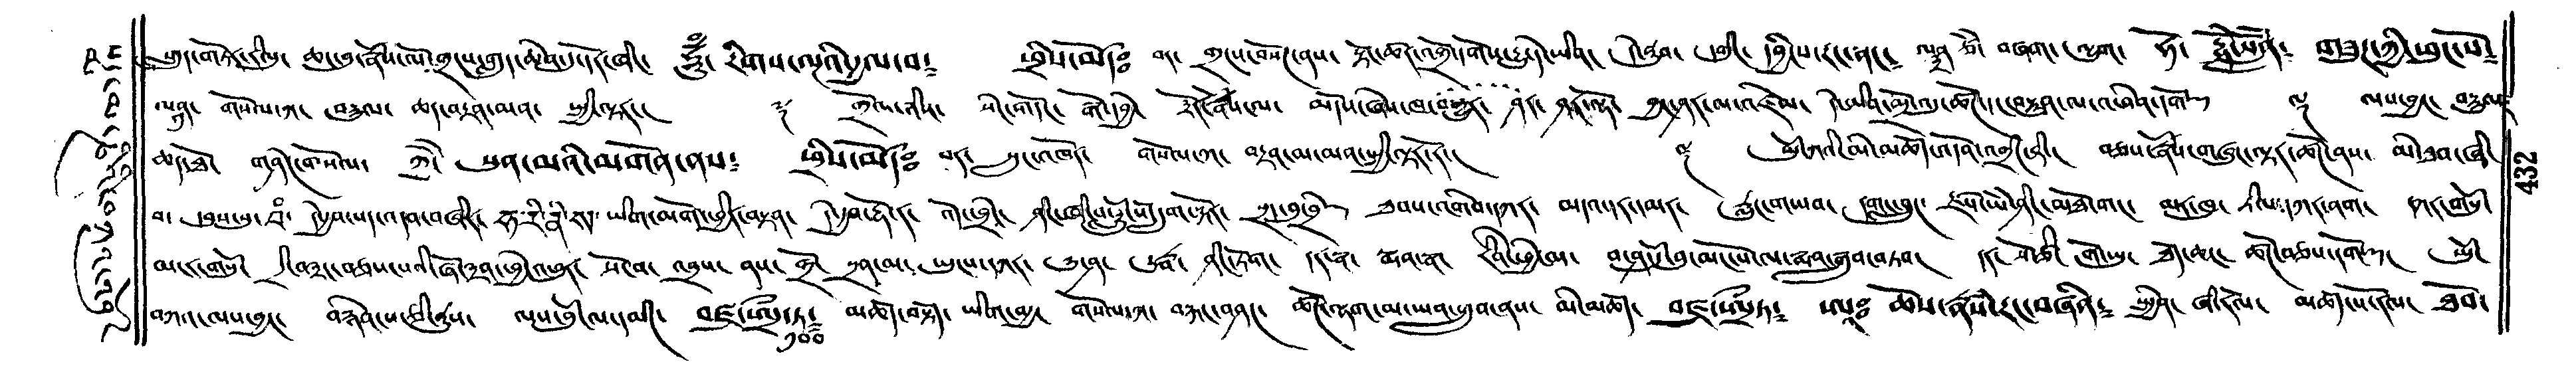གླུད་གཏོར་རིལ་བུ། ཆང་བུ་རྣམས་ལོ་གྲངས་གླུད་ཆེན་དུ་དོར་ཞིང་། ཧཱུྃཿ རིགས་ལྔའི་རྒྱལ་བ༴ ཕྲིན་ལས་མཛོདཿ བར། གྲངས་བསོགས་ནས། སྟོང་ཚར་འགྲོ་དགོས་རྒྱུ་དེ་ཡིན། དེ་ནུབ། དགུ་ཐིང་། དབྱིངས་རང་སྣང༴ ལན་གསུམ་ཙམ། བཞག ལྷུག ཧོཿ རྡོ་རྗེ་སློབ་དཔོན༴ གཟུགས་ཀྱི་ཕུང་པོ༴ 
ལན་གཅིག་ གསོལ་ཀ བསྐུལ། ཆད་བརྟན་མན། སྤྱི་ལྟར་རོ། གྲོལ་ཉིན། སེང་གདོང་། སྒོ་དབྱེ། ཟོར་རྣམས་ལ། མདོས་ཞེས་བསྒྱུར། ཤར། ཤར་ལྷོ། བྱང་ཤར་བཅས་ལ་འཛེམ། དེ་མིན་མཁའ་འགྲོའི་འདུ་ཚོགས་དང་བསྟུན་ནས་འཕེན་དགོས། ལས་བྱང་། བསྐུལ། 
ཆད་ཐོ། གཤེགས་གསོལ། ཀྱཻཿ སུན་མའི་མགྲོན༴ ཕྲིན་ལས་མཛོདཿ བར་སྲུང་འཁོར། གསོལ་ཀ བརྟན་མ་མན་སྤྱི་ལྟར་རོ།། ༄༅། ཡུམ་ཀའི་མེ་མཆོད་འདོན་འགྲིགས་ནི། བཅའ་གཤོམ་རྣམས་གཞུང་ལྟར་ཚོགས་ནས། མེ་ཐབ་ཞི་
བ། དབུས་སུ་བཾཿདེ་རྒྱབ་པད་འདབ་བཞིར་ཧ་རི་ནི་ས་ཡིག་མགོ་ཕྱིར་བསྟན། དེ་རྒྱབ་རྡོ་ར། འོད་ཕྲེང་། ཤིང་ཞི་བར་ཟླུམ་པོ་དྲུག་སྐོར། སྲད་བུ་བྲེས། ཐབས་འགེབ་དཀར། མདའ་དར་དམར། རླུང་གཡབ། དགང་བླུགས། རྫས་ཡམ་ཤིང་མཐོ་གང་། མར་ཁུ། ཏིལ་ཁུ། ཏིལ་དཀར་ནག དཀར་གསུམ་
མངར་གསུམ། དྲི་བཟང་བཅས་པའི་ཞོ་ཟན་ཕྱེ་འཕུར། སོ་བ། འབྲས། ནས། གྲོ། སྲན་མ། ཡུངས་དཀར། ཀུ་ཤ། དུརྦ། ཤིང་ཏོག དར་སྣ། སྨན་སྣ། རིན་ཆེན་ཕྱེ་མ། བ་ཤ་དུམ་བུ་མང་པོ་ལ་སྨན་སྒྲུབ་བཏབ་པ། དར། སོ་ཙི། གོ་ཡུ། ཐོད་ཆང་། ཚོགས་བཅས་དགོས། ཡུམ་
བཀའི་ལས་བྱང་། བསྙེན་པ་ཅི་ནུས། ལས་བུམ་ལ་དམིགས། བཛྲ་ཨྲྀ་ཏ༴ བརྒྱ། མཆོད་བསྟོད། ཡིག་བརྒྱ། གསོལ་ཀ། སྐོང་བཤགས། ཚོགས་ལྷག་མ་ཡན་གྲུབ་ནས། མེ་མཆོད། བཛྲ་ཨ་མྲྀ་ཏ༴ ཨཱཿ ཆོས་རྣམས་རང་བཞིན༴ སྤྱན་འདྲེན། ཞི་རོལ། མཆོད་པ། རོལ། ཐོབ་